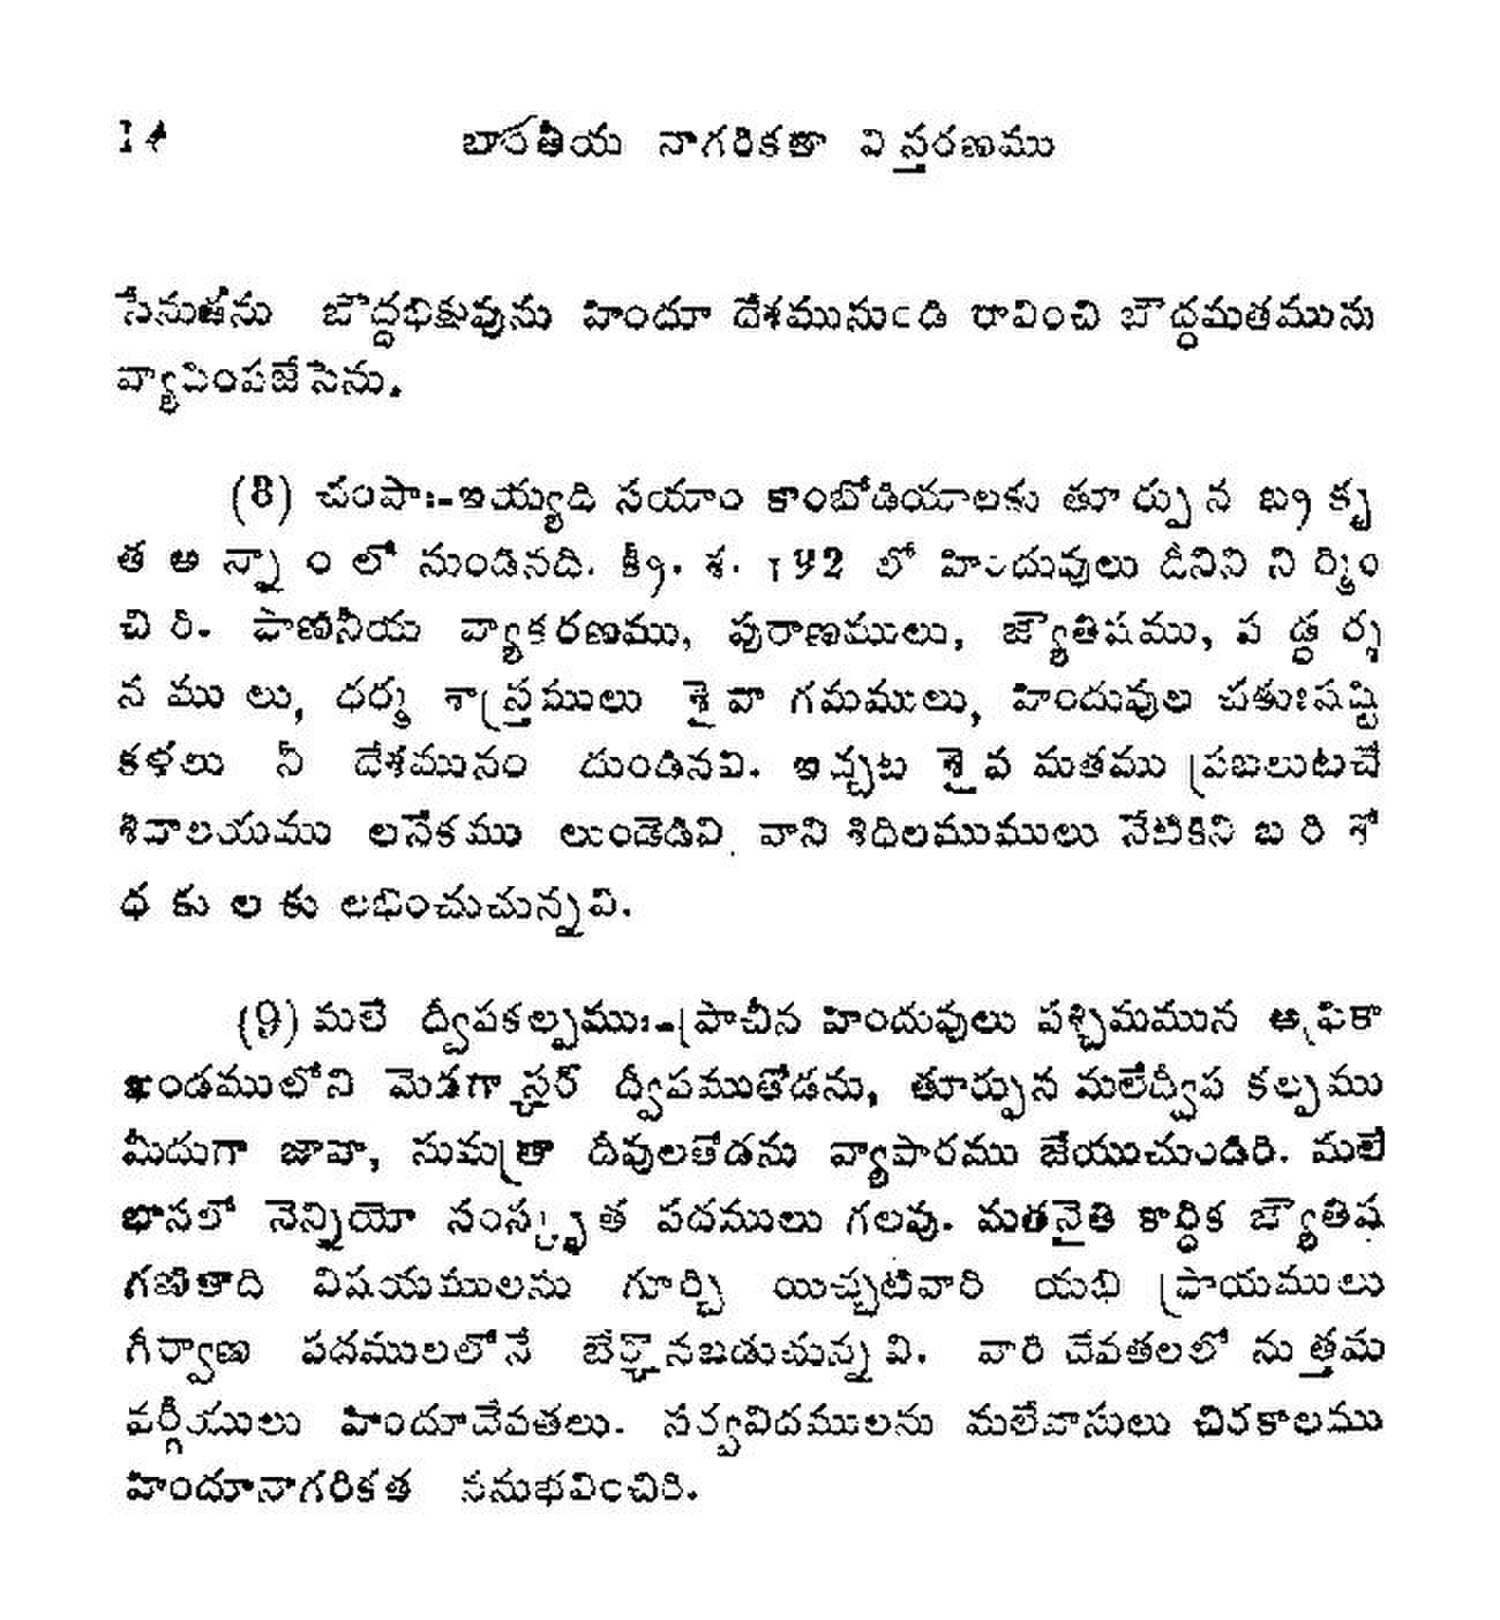సేనుడను బౌద్దభిక్షువును హిందూ దేశమునుండి రావించి బౌద్దమతమును వ్యాపింపజేసెను.

(8) చంపా :- ఇయ్యది నయాం కాంబోడియాలకు తూర్పున బ్రకృత అస్సాంలో నుండినది. క్రీ. శ. 192 లో హిందువులు దీనిని నిర్మించిరి. పాణనీయ వ్యాకరణము, పురాణములు, జ్యోతిషము, పడ్డర్శనములు, ధర్మ శాస్త్రములు శైవా గమములు, హిందువుల చతు:షష్టి కళలు నీ దేశమునం దుండినవి. ఇచ్చట శైవ మతము ప్రబలుటచే శివాలయము లనేకము లుండెడివి. వాని శిదిలములు నేటికిని బరిశోధకులకు లభించుచున్నవి.

(9) మలే ద్వీపకల్పము :- ప్రాచీన హిందువులు పశ్చిమమున ఆఫ్రికా ఖండములోని మెడగాస్కర్ ద్వీపముతోడను, తూర్పున మలేద్వీప కల్పము మీదుగా జావా, సుమత్రా దీవులతోడను వ్యాపారము జేయుచుండిరి. మలే భాసలో నెన్నియో సంస్కృత పదములు గలవు. మతనైతి కార్దిక జ్యోతిష గణితాది విషయములను గూర్చి యిచ్చటివారి యభి ప్రాయములు గీర్వాణ పదములలోనే బేర్కొనబడుచున్నవి. వారి దేవతలలో నుత్తమ వర్గీయులు హిందూదేవతలు. సర్వవిదములను మలేవాసులు చిరకాలము హిందూనాగరికత ననుభవించిరి.